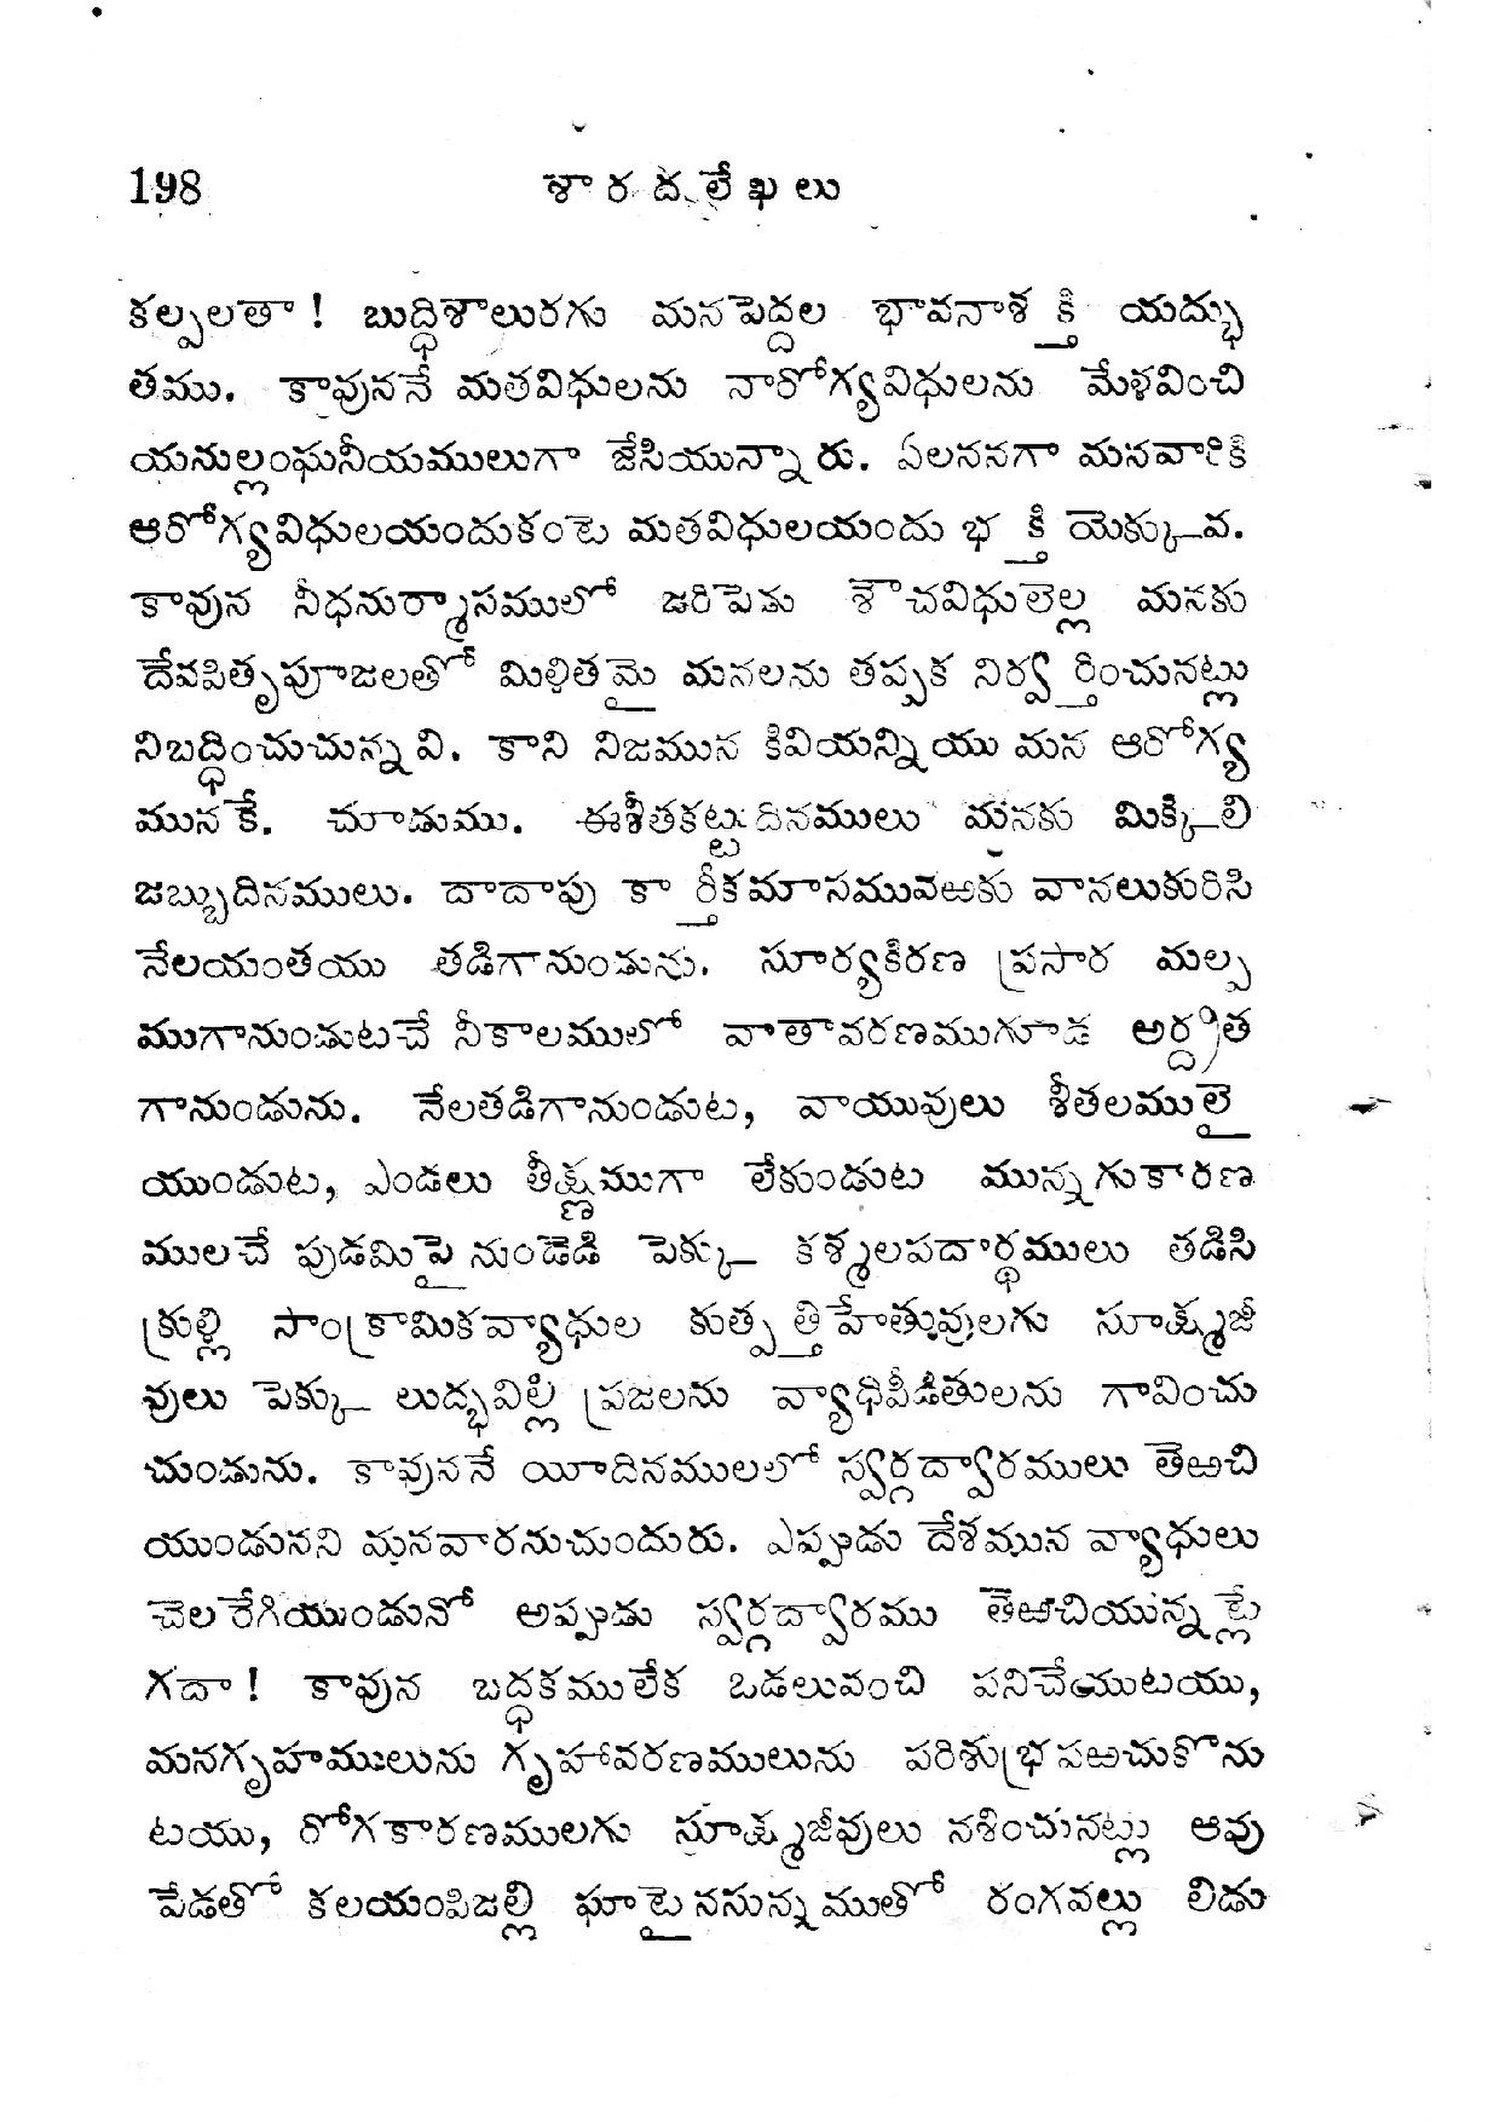కల్పలతా ! బుద్ధిశాలురగు మనపెద్దల భావనాశక్తి యద్భుతము. కావుననే మతవిధులను నారోగ్యవిధులను మేళవించి యనుల్లంఘనీయములుగా జేసియున్నారు. ఏలననగా మనవారికి ఆరోగ్యవిధులయందుకంటె మతవిధులయందు భక్తి యెక్కువ. కావున నీధనుర్మాసములో జరిపెడు శౌచవిధులెల్ల మనకు
దేవపితృపూజలతో మిళితమై మనలను తప్పక నిర్వర్తించునట్లు నిబద్ధించుచున్నవి. కాని నిజమున కివియన్నియు మన ఆరోగ్యమునకే. చూడుము. ఈశీతకట్టుదినములు మనకు మిక్కిలి జబ్బుదినములు. దాదాపు కార్తీకమాసమువఱకు వానలుకురిసి నేలయంతయు తడిగానుండును. సూర్యకిరణ ప్రసార మల్పముగానుండుటచే నీకాలములో వాతావరణముగూడ అర్ద్రతగానుండును. నేలతడిగానుండుట, వాయువులు శీతలములైయుండుట, ఎండలు తీక్ష్ణముగా లేకుండుట మున్నగుకారణములచే పుడమిపై నుండెడి పెక్కు కశ్మలపదార్థములు తడిసి క్రుళ్లి సాంక్రామికవ్యాధుల కుత్పత్తిహేతువులగు సూక్ష్మజీవులు పెక్కు లుద్భవిల్లి ప్రజలను వ్యాధిపీడితులను గావించుచుండును. కావుననే యీదినములలో స్వర్గద్వారములు తెఱచి యుండునని మనవారనుచుందురు. ఎప్పుడు దేశమున వ్యాధులు చెలరేగియుండునో అప్పుడు స్వర్గద్వారము తెఱచియున్నట్లే గదా! కావున బద్ధకములేక ఒడలువంచి పనిచేయుటయు,
మనగృహములును గృహావరణములును పరిశుభ్రపఱచుకొనుటయు, రోగకారణములగు సూక్ష్మజీవులు నశించునట్లు ఆవుపేడతో కలయంపిజల్లి ఘాటైనసున్నముతో రంగవల్లు లిడు